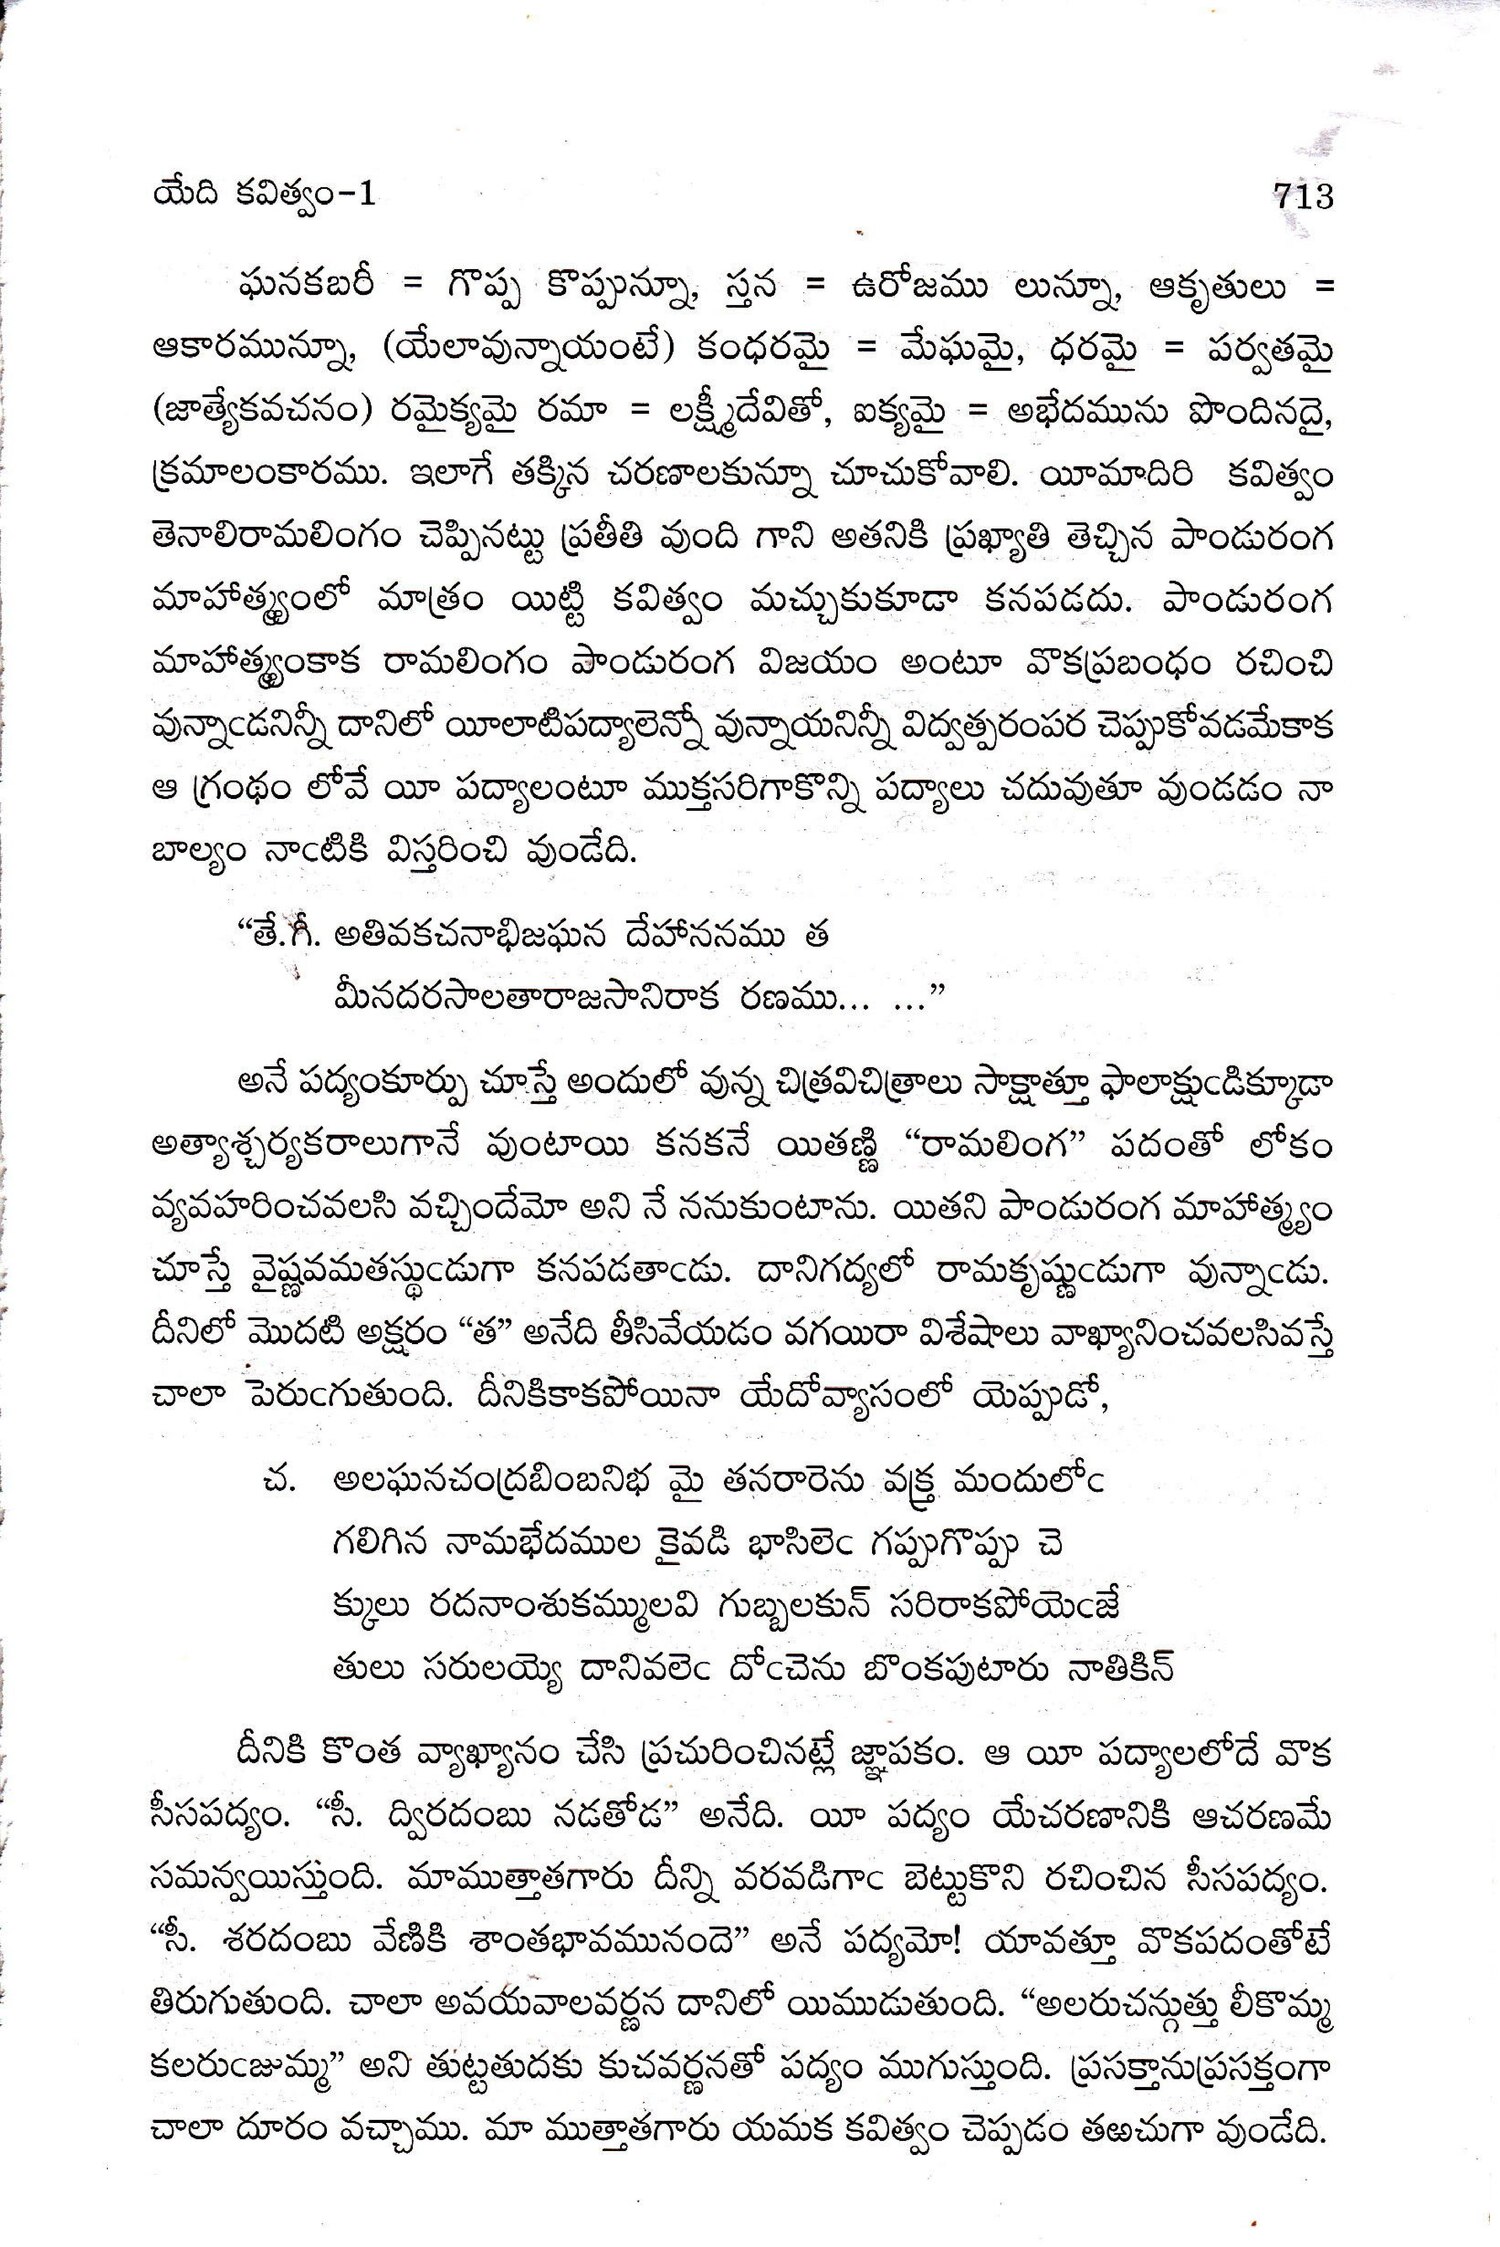ఘనకబరీ = గొప్ప కొప్పున్నూ, స్తన = ఉరోజము లున్నూ, ఆకృతులు = ఆకారమున్నూ, (యేలావున్నాయంటే) కంధరమై = మేఘమై, ధరమై = పర్వతమై (జాత్యేకవచనం) రమైక్యమై రమా = లక్ష్మీదేవితో, ఐక్యమై = అభేదమును పొందినదై, క్రమాలంకారము. ఇలాగే తక్కిన చరణాలకున్నూ చూచుకోవాలి. యీమాదిరి కవిత్వం తెనాలిరామలింగం చెప్పినట్టు ప్రతీతి వుంది గాని అతనికి ప్రఖ్యాతి తెచ్చిన పాండురంగ మాహాత్మ్యంలో మాత్రం యిట్టి కవిత్వం మచ్చుకుకూడా కనపడదు. పాండురంగ మాహాత్మ్యంకాక రామలింగం పాండురంగ విజయం అంటూ వొకప్రబంధం రచించి వున్నాఁడనిన్నీ దానిలో యీలాటిపద్యాలెన్నో వున్నాయనిన్నీ విద్వత్పరంపర చెప్పుకోవడమేకాక ఆ గ్రంథం లోవే యీ పద్యాలంటూ ముక్తసరిగాకొన్ని పద్యాలు చదువుతూ వుండడం నా బాల్యం నాఁటికి విస్తరించి వుండేది. .

“తే.గీ. అతివకచనాభిజఘన దేహాననము త 
 మీనదరసాలతారాజసానిరాక రణము. ... "
అనే పద్యంకూర్పు చూస్తే అందులో వున్న చిత్రవిచిత్రాలు సాక్షాత్తూ ఫాలాక్షుఁడిక్కూడా అత్యాశ్చర్యకరాలుగానే వుంటాయి కనకనే యితణ్ణి “రామలింగ" పదంతో లోకం వ్యవహరించవలసి వచ్చిందేమో అని నే ననుకుంటాను. యితని పాండురంగ మాహాత్మ్యం చూస్తే వైష్ణవమతస్థుఁడుగా కనపడతాఁడు. దానిగద్యలో రామకృష్ణుఁడుగా వున్నాఁడు. దీనిలో మొదటి అక్షరం "త" అనేది తీసివేయడం వగయిరా విశేషాలు వాఖ్యానించవలసివస్తే చాలా పెరుఁగుతుంది. దీనికికాకపోయినా యేదోవ్యాసంలో యెప్పుడో,

చ. అలఘనచంద్రబింబనిభ మై తనరారెను వక్త్ర మందులోఁ
 గలిగిన నామభేదముల కైవడి భాసిలెఁ గప్పుగొప్పు చె 
 క్కులు రదనాంశుకమ్ములవి గుబ్బలకున్ సరిరాకపోయెఁజే 
 తులు సరులయ్యె దానివలెఁ దోఁచెను బొంకపుటారు నాతికిన్
దీనికి కొంత వ్యాఖ్యానం చేసి ప్రచురించినట్లే జ్ఞాపకం. ఆ యీ పద్యాలలోదే వొక సీసపద్యం. "సీ. ద్విరదంబు నడతోడ" అనేది. యీ పద్యం యేచరణానికి ఆచరణమే సమన్వయిస్తుంది. మాముత్తాతగారు దీన్ని వరవడిగాఁ బెట్టుకొని రచించిన సీసపద్యం. సీ. శరదంబు వేణికి శాంతభావమునందె" అనే పద్యమో! యావత్తూ వొకపదంతోటే తిరుగుతుంది. చాలా అవయవాలవర్ణన దానిలో యిముడుతుంది. "అలరుచన్గుత్తు లీకొమ్మ కలరుఁజుమ్మ" అని తుట్టతుదకు కుచవర్ణనతో పద్యం ముగుస్తుంది. ప్రసక్తానుప్రసక్తంగా చాలా దూరం వచ్చాము. మా ముత్తాతగారు యమక కవిత్వం చెప్పడం తఱచుగా వుండేది.